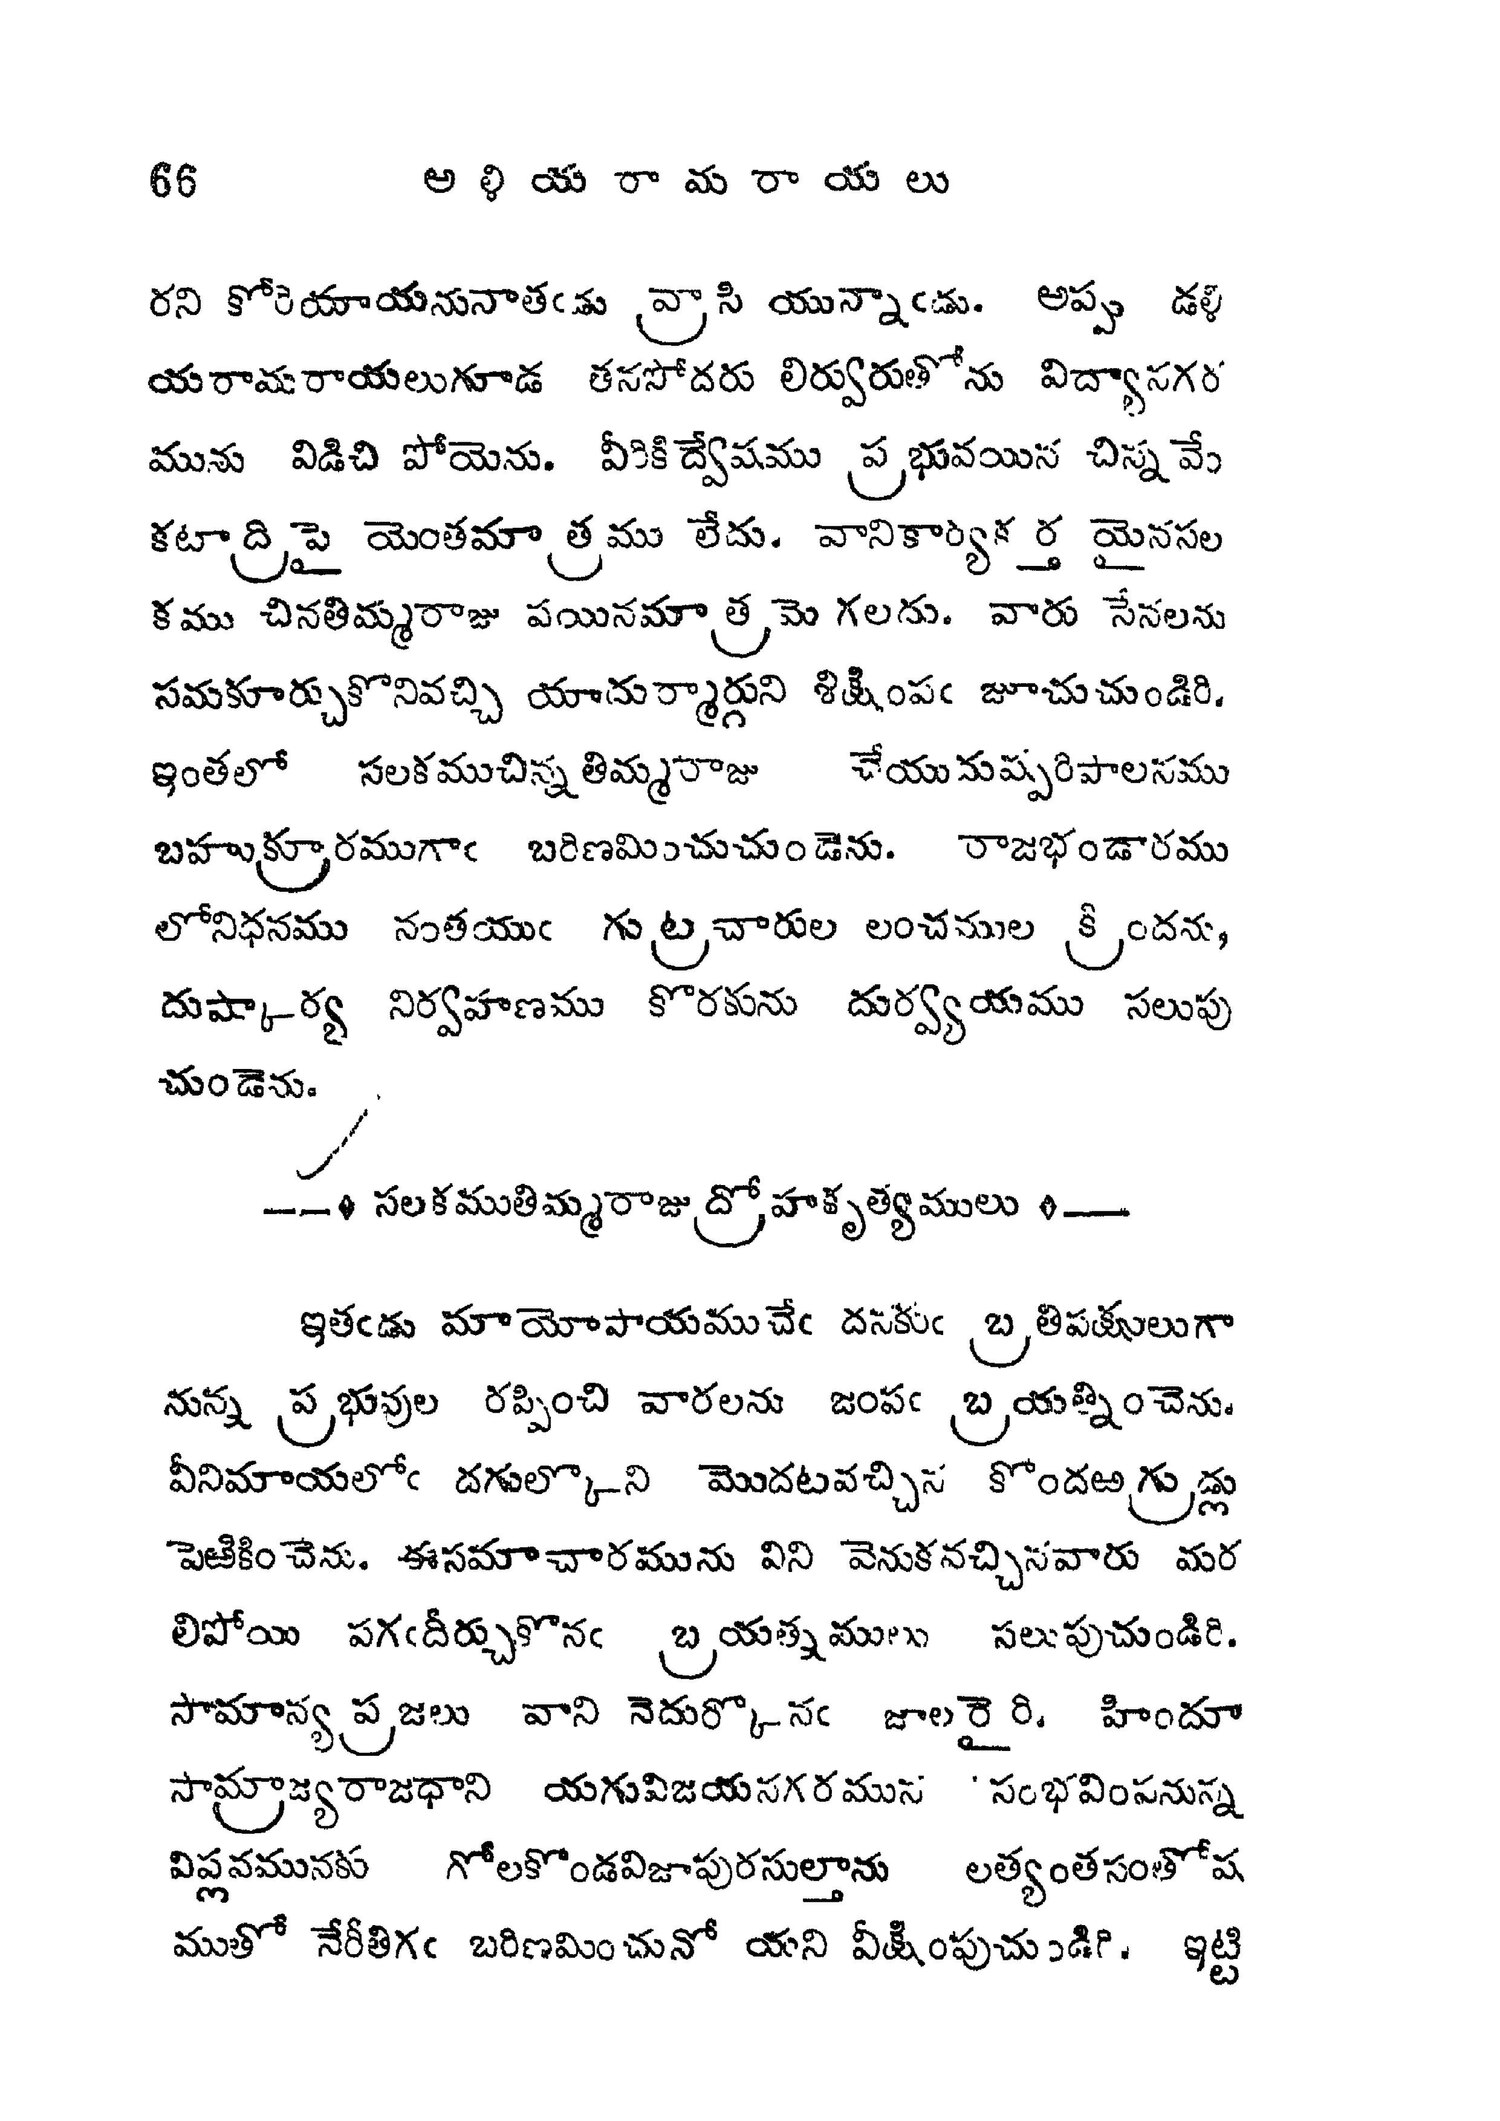రని కోరియాయనునాతడు వ్రాసి యున్నాడు. అప్పు డళియరామరాయలుగూడ తనసోదరు లిర్వురుతోను విద్యానగరమును విడిచి పోయెను. వీరికిద్వేషము ప్రభువయిన చిన్నవేంకటాద్రిపై యెంతమాత్రము లేదు. వానికార్యకర్త యైనసలకము చినతిమ్మరాజు పయినమాత్రమెగలదు. వారు సేనలను సమకూర్చుకొనివచ్చి యాదుర్మార్గుని శిక్షింప జూచుచుండిరి. ఇంతలో సలకముచిన్నతిమ్మరాజు చేయుదుష్పరిపాలనము బహుక్రూరముగా బరిణమించుచుండెను. రాజభండారములోనిధనము నంతయు గుట్రచారుల లంచముల క్రిందను, దుష్కార్య నిర్వహణము కొరకును దుర్వ్యయము సలుపు చుండెను.

ఇతడు మాయోపాయముచే దనకు బ్రతిపక్షులుగా నున్న ప్రభువుల రప్పించి వారలను జంప బ్రయత్నించెను. వీనిమాయలో దగుల్కొని మొదటవచ్చిన కొందఱగ్రుడ్లు పెఱికించెను. ఈసమాచారమును విని వెనుకవచ్చినవారు మరలిపోయి పగదీర్చుకొన బ్రయత్నములు సలుపుచుండిరి. సామాన్యప్రజలు వాని నెదుర్కొన జాలరైరి. హిందూసామ్రాజ్యరాజధాని యగువిజయనగరమున సంభవింపనున్న విప్లవమునకు గోలకొండవిజాపురసుల్తాను లత్యంతసంతోషముతో నేరీతిగ బరిణమించునో యని వీక్షింపుచుండిరి. ఇట్టి